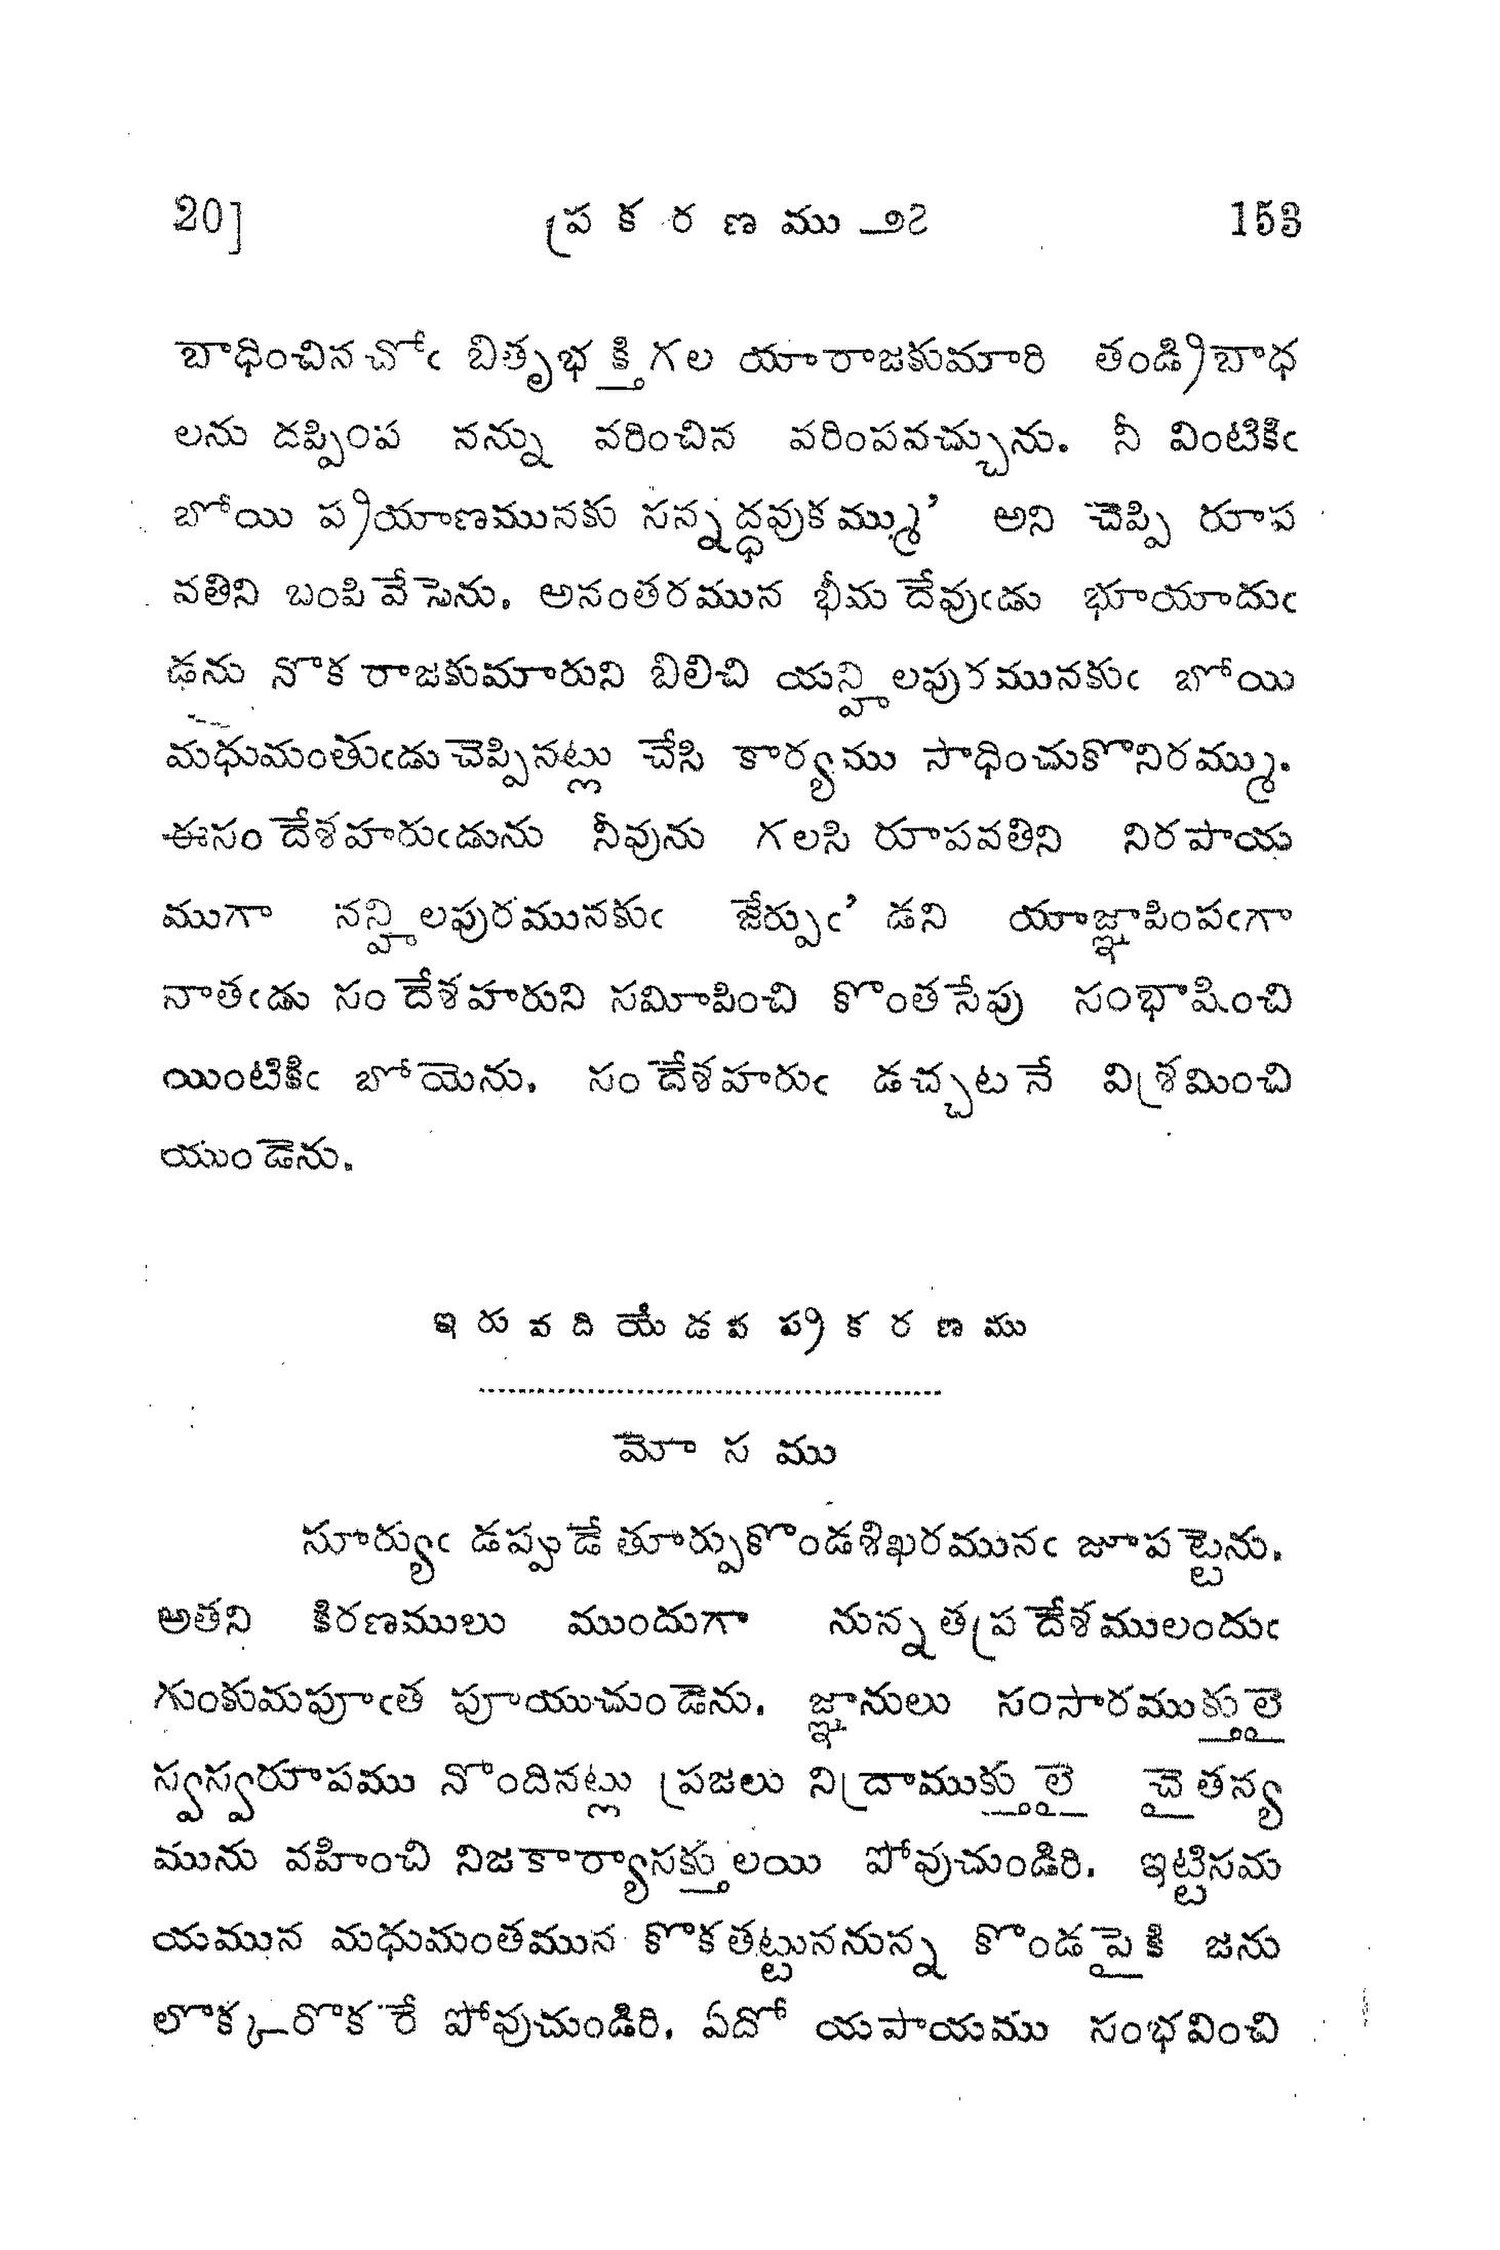బాధించిన చోఁ బితృ భక్తిగల య రాజకుమారి తండ్రి బాధ
లను దప్పింప నన్ను వరించిన వరింపవచ్చును. నీ వింటికి
బోయి ప్రయాణమునకు సన్నద్ధవుకమ్ము' అని చెప్పి రూప
వతిని బంపి వేసెను. అనంతరమున భీమ దేవుఁడు భూయాదుఁ
ఢను నొక రాజకుమారుని బిలిచి యన్డిలపు రమునకుఁ బోయి
మధుమంతుఁడు చెప్పినట్లు చేసి కార్యము సాధించుకొనిరమ్ము.
ఈసం దేశహరుఁడును నీవును గలసి రూపవతిని నిర పొయ
ముగా సన్స్టిలపురమునకుఁ జేర్పుం' డని యాజ్ఞాపింపఁగా
నాతఁడు సం దేశహరుని సమీపించి కొంత సేపు సంభాషించి
యింటికిఁ బోయెను, సందేశహరుఁ డచ్చట నే విశ్రమించి
యుండెను.

సూర్యుఁ డప్పుడే తూర్పు కొండ శిఖరమునఁ జూప ట్టెను.
అతని కిరణములు ముందుగా
నున్నత ప్రదేశములందుఁ
గుంకుమపూత పూయుచుండెను. జ్ఞానులు సంసారముక్తులై
స్వస్వరూపము నొందినట్లు ప్రజలు నిద్రాముకులై చైతన్య
మును వహించి నిజకార్యాసక్తులయి పోవుచుండిరి. ఇట్టిసమ
యమున మధుమంతమున కొక తట్టుననున్న కొండ పైకి జను
లొక్కరొక"రే పోవుచుండిరి. ఏదో యపాయము సంభవించి